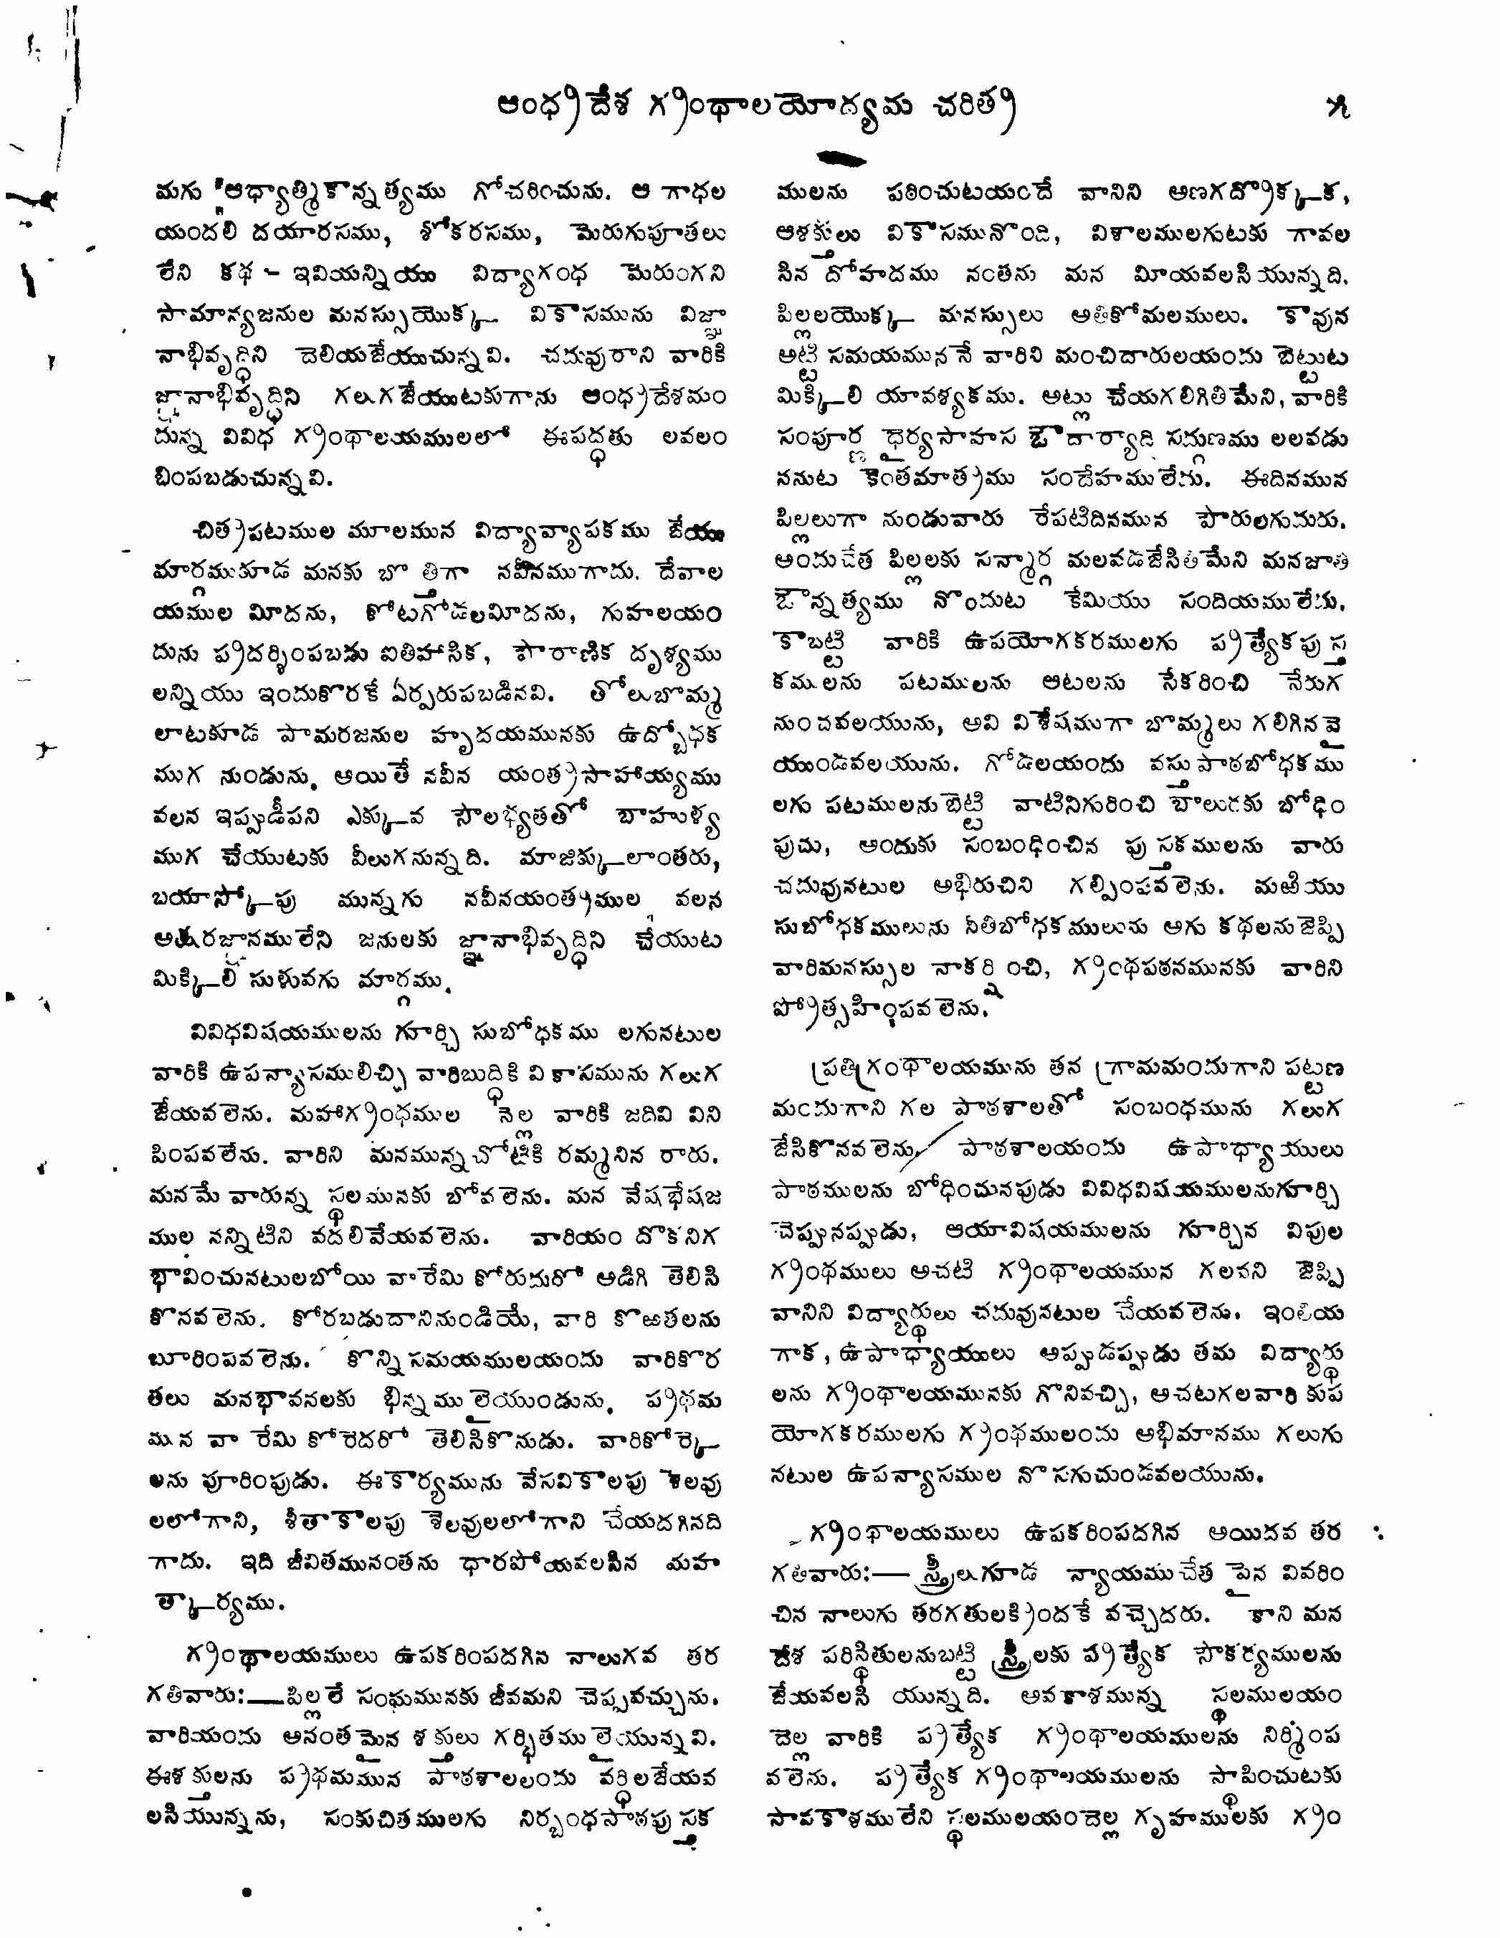మగు 'ఆధ్యాత్మికౌన్నత్యము గోచరించును. ఆ గాధలయందలి దయారసము, శోకరసము, మెరుగుపూతలు లేని కథలు 
ఇవియన్నియు విద్యాగంధ మెరుంగని సామాన్యజనుల మనస్సు యొక్క వికాసమును విజ్ఙానాభివృద్ధిని దెలియజేయుచున్నవి. 
చదువురాని వారికి జ్ఞానాభివృద్ధిని గలుగజేయుటకుగాను ఆంధ్ర దేశమందున్న వివిధ గ్రంథాలయములలో ఈ పద్ధతు 
లవలంబింపబడు చున్నవి. 

చిత్రపటముల మూలమున విద్యావ్యాపకము చేయు మార్గము కూడ మనకు బొత్తిగా నవీనముగాదు. దేవాలయముల మీదను,
కోటగోడల మీదను, గుహలయందును ప్రదర్శింపబడు ఐతిహాసిక, పౌరాణిక దృశ్యము లన్నియు ఇందుకొరకే ఏర్పరుపబడినవి. తోలుబొమ్మలాటకూడ పామరజనుల హృదయమునకు ఉద్బోధకముగ నుండును. ఆయితే నవీన యంత్ర సాహాయ్యము వలన 
ఇప్పుడీపని ఎక్కువ సౌలభ్యతతో బాహుళ్యముగ చేయుటకు వీలుగనున్నది. మాజిక్కులాంతరు, బయాస్కోపు మున్నగు నవీన
యంత్రముల వలన అక్షరజ్ఞానములేని జనులకు జ్ఞానాభివృద్ధిని చేయుట మిక్కిలి సుళువగు మార్గము.

వివిధవిషయములను గూర్చి సుబోధకము లగునటుల వారికి ఉపన్యాసములిచ్చి వారిబుద్దికి వికాసమును గలుగ జేయవలెను. మహాగ్రంధముల నెల్ల వారికి జదివి వినిపింపవలేను. వారిని మనమున్న చోటికి రమ్మనిన రారు. మనమే వారున్న స్థలమునకు బోవలెను. మన వేషభేషజముల నన్నిటిని వదలివేయవలెను. వారియందొకనిగ భావించునటులబోయి వారేమి కోరుదురో అడిగి తెలిసి
కొనవలెను. కోరబడు దానినుండియే, వారి కొఱతలను బూరింపవలెను. కొన్ని సమయములయందు వారికొరతలు మనభావనలకు భిన్నములై యుండును. ప్రథమ మన వారేమి కోరెదరో తెలిసికొనుడు. వారికోర్కెఅను పూరింపుడు. ఈ కార్యమును వేసవికాలపు శె
లవులలోగాని, శీతాకాలపు శెలవులలో గాని చేయదగినది గాదు. ఇది జీవితమునంతను ధారపోయవలసిన మహత్కార్యము.

గ్రంథాలయములు ఉపకరింపదగిన నాలుగవ తరగతివారు:౼ పిల్లలే సంఘమునకు జీవమని చెప్పవచ్చును. వారియందు అనంతమైన శక్తులు గర్భితములై యున్నవి. ఈశక్తులను ప్రథమమున పాఠశాలలందు వర్దిలజేయవలసి యున్నను, సంకుచితములగు నిర్బంధ సాఠపుస్తకములను పఠించుటయందే వానిని అణగద్రొక్కక, ఆశక్తులు వికాసము నొంది, విశాలములగుటకు గావలసిన దోహదము నంతను మన మీయవలసి యున్నది. పిల్లల యొక్క మనస్సులు అతికోమలములు. కావున అట్టి సమయమున నే వారిని మంచిదారులయందు బెటుట మిక్కిలి యావశ్యకము. అట్లు చేయగలిగితిమేని, వారికి సంపూర్ణ ధైర్యసాహస ఔదార్యాది సద్గుణము లలవడుననుట కెంత మాత్రము సందేహములేదు. ఈదినమున పిలలుగా నుండువారు రేపటిదినమున పౌరులగుదురు. అందుచేత పిల్లలకు సన్మార్గమలవడ జేసితిమేని మనజాతి ఔన్నత్యము నొందుట కేమియు సందియము లేదు. కాబట్టి వారికి ఉపయోగకరములగు ప్రత్యేక పుస్తకమలను పటములను ఆటలను సేకరించి నేరుగ నుంచవలయును, అవి విశేషముగా బొమ్మలు గలిగిన వైయుండవలయును. గోడలయందు 
వస్తూ పాఠబోధకములగు పటములను బెట్టి వాటిని గురించి బాలుడకు బోధింపుచు, అందుకు సంబంధించిన పుస్తకములను వారు
చదువునటుల అభిరుచిని గల్పింపవలెను. మఱియు సుబోధకములును నీతిబోధకములును అగు కథలను జెప్పి వారిమనస్సుల నాకర్షించి, గ్రంధపఠనమునకు వారిని ప్రోత్సహింపవలెను.

ప్రతి గ్రంథాలయమును తన గ్రామమందుగాని పట్టణమఁదు గాని గల పాఠశాలతో సంబంధమును గలుగ జేసికొనవలెను. పాఠశాల
యందు ఉపాధ్యాయులు పాఠములను బోధించునపుడు వివిధవిషయములను గూర్చి “చెప్పునప్పుడు, ఆయావిషయములను గూర్చిన విపుల గ్రంథములు అచటి గ్రంథాలయమున గలవని జెప్పి వానిని విద్యార్థులు చదువునటుల చేయవలెను. ఇంతియ గాక, ఉపాధ్యాయులు అప్పుడప్పుడు తమ విద్యార్థులను గ్రంథాలయమునకు గొనివచ్చి, అచటగల వారి కుపయోగకరములగు గ్రంథములందు అభిమానము గలుగు నటుల ఉపన్యాసముల నొసగుచుండవలయును.

గ్రంథాలయములు ఉపకరింపదగిన అయిదవ తరగతి వారు:౼ స్త్రీలు గూడ న్యాయము చేత పైన వివరించిన నాలుగు తరగతుల
కిందకే వచ్చెదరు. దేశ పరిస్థితులను బట్టి స్త్రీలకు ప్రత్యేక సౌకర్యములను జేయవలసి యున్నది. అవకాశమున్న స్థలముల
యందెల్ల వారికి ప్రత్యేక గ్రంథాలయములను నిర్మింప వలెను. ప్రత్యేక గ్రంథాలయములను స్టాపించుటకు సావకాశము లేని స్థలములయందెల్ల గృహములకు గ్రం